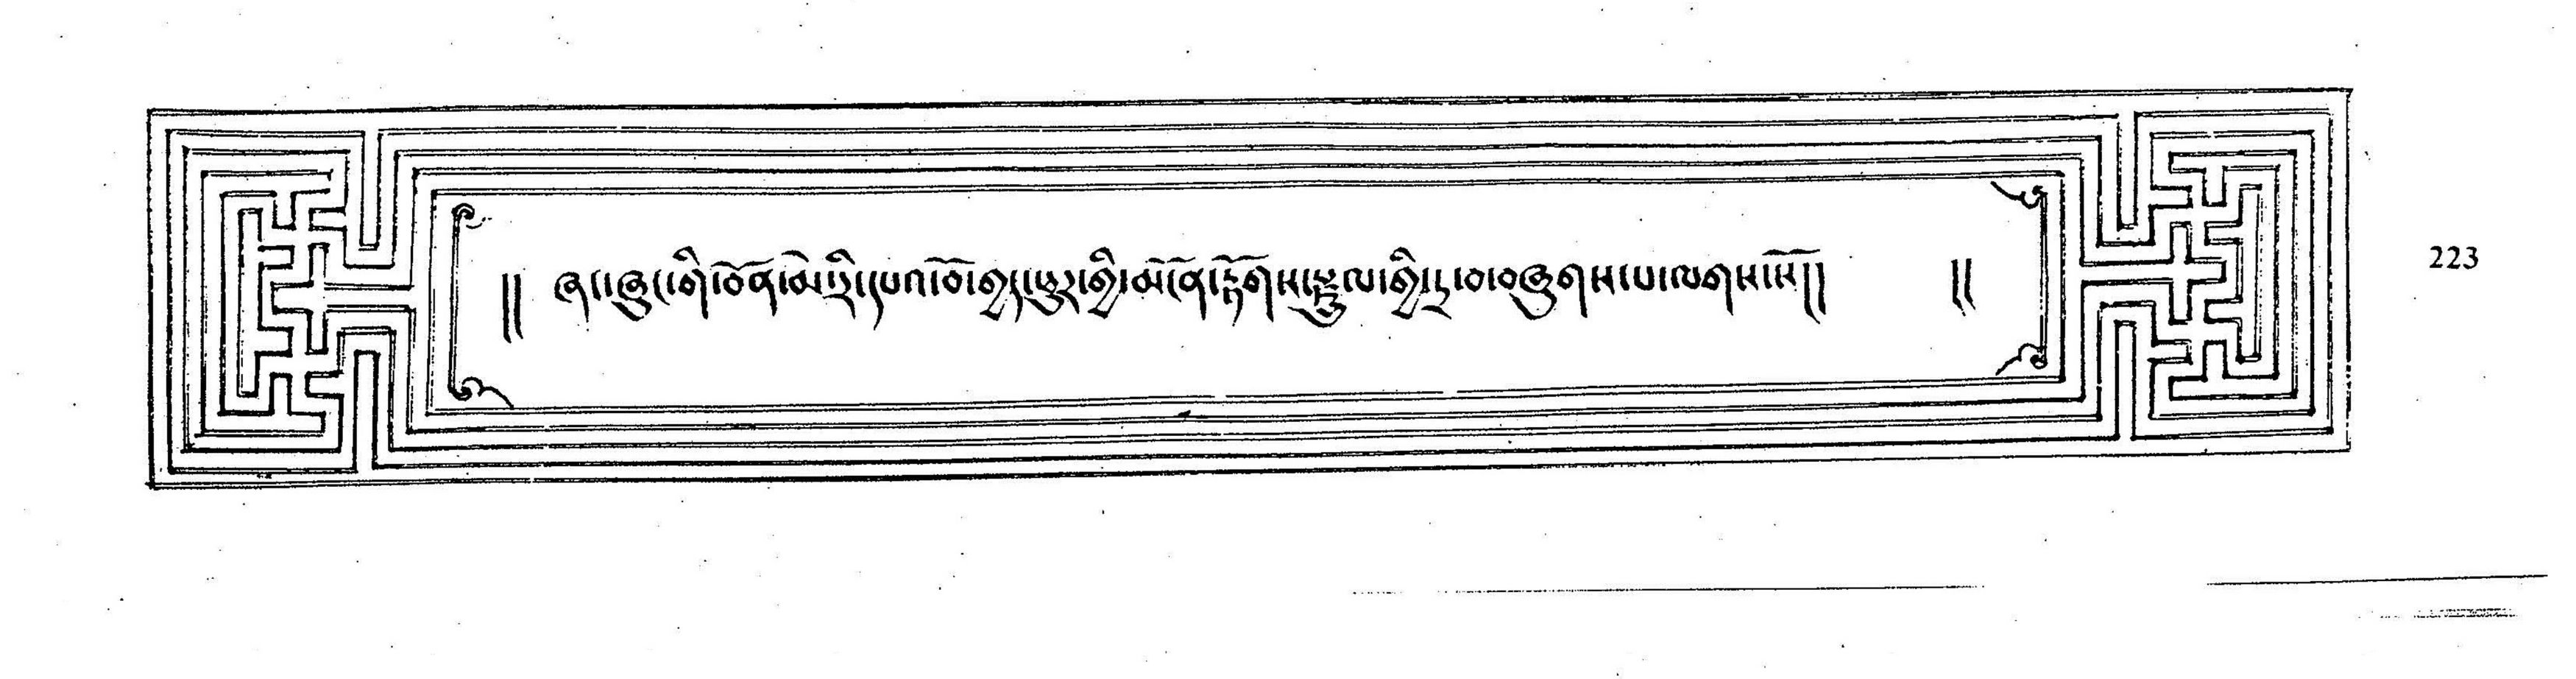།། ཞང་ཞུང་གི་བོན་མེ་རི་དཔའ་བོ་གྱད་ཕུར་གྱི་མངོན་རྟོགས་རྫུ་འཕྲུལ་གྱི་དྲ་བ་བཞུགས་པ་ལགས་སོ།། །།